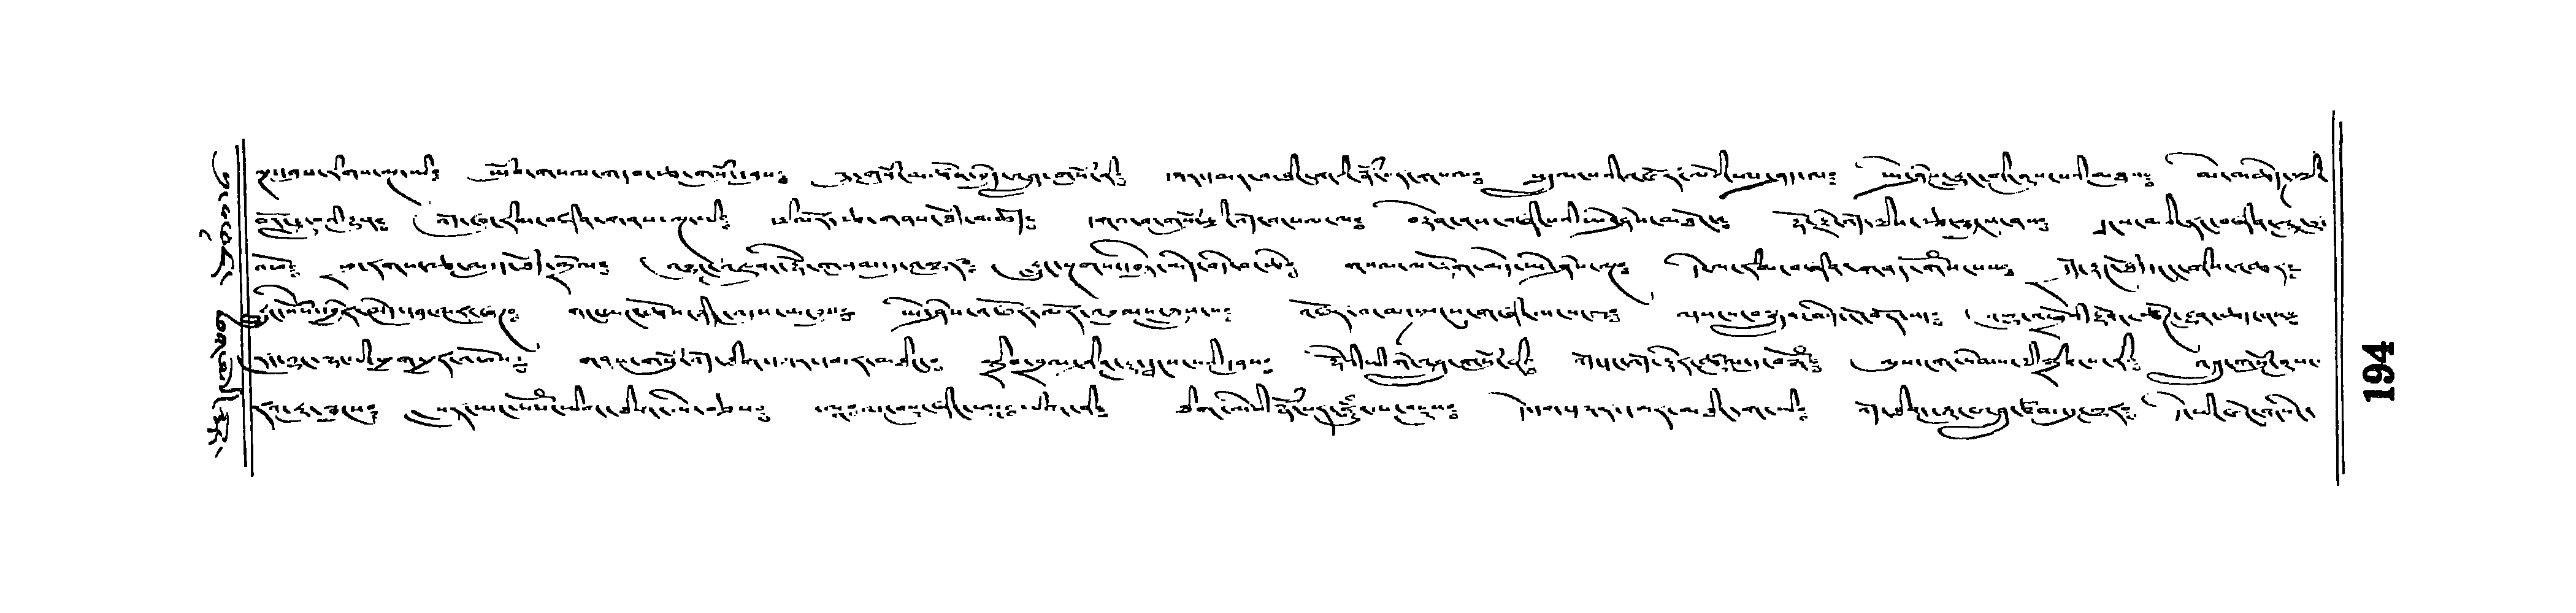ལྔ་དབུས་རིགས་ལྔ་ཡི༔ ཡབ་ཡུམ་གསལ་གདབ་རྩ་གསུམ་དབུས༔ སྐུ་གསུམ་མཚོན་བྱེད་འབྲུ་གསུམ་ནི༔ དཀར་དམར་མཐིང་གའི་རྣམ་པར་གསལ༔ སྤྲུལ་པའི་འཁོར་ལོའི་ཨ་ཤད་ལ༔ ཡེ་ཤེས་རླུང་གི་ནུས་པའི་མཐུས༔ མེ་མཆེད་སྤྱི་
བོར་ཟླ་བའི་རྒྱུན༔ འོད་ཞུ་རིམ་བཞིན་གནས་ལྔ་ཡི༔ དཀྱིལ་འཁོར་རྩ་གནས་ཐམས་ཅད་མཆོད༔ དགའ་བ་གསུམ་གྱི་འོད་གསལ་ལ༔ བརྟེན་ནས་བཞི་པའི་ཡེ་ཤེས་མཐོང༔ རྡོ་རྗེ་འོད་ཀྱིས་རྩ་སྦྱངས་ནས༔ དྭངས་མའི་རང་བཞིན་སྐུ་རུ་
འཕོ༔ ཕྲ་རགས་རྩ་མདུད་ཐམས་ཅད་གྲོལ༔ འབྱུང་འཇུག་རྡོ་རྗེ་གསུམ་དུ་འགྱུར༔ རླུང་སྔགས་དབྱེར་མེད་བདེ་བ་ཆེ༔ གསལ་ལ་རྟོག་མེད་ཡེ་ཤེས་ལྔ༔ དེ་ལ་རིམ་བཞིན་གནད་གོམས་པས༔ དྲོད་རྟགས་ཐམས་ཅད་ངང་གིས་འཆར༔ 
རླུང་སེམས་དབྱེར་མེད་དབུ་མར་ཞུགས༔ གང་ཡང་ཆོས་ཉིད་འདུས་མ་བྱས༔ ཡེ་ཤེས་འཁོར་ལོར་འབྱམས་ཀླས་པ༔ འཁོར་བ་མ་སྤངས་གཞི་ལ་སངས༔ འདས་པ་བསྒྲུབ་མེད་ངོ་བོར་སད༔ འགྱུ་འཕྲོའི་རྟོག་ཚོགས་རྒྱུན་ཆད་ནས༔ 
རང་བྱུང་ལྷ་ཡི་ཕྱག་རྒྱར་འཕོས༔ གནས་གསུམ་འོད་ཐིག་དཀར་དམར་མཐིང༔ སྒྲིབ་བྲལ་ཤིན་རུ་དྭངས་པའི་དབུས༔ རྡོ་རྗེའི་ཡི་གེ་འབྲུ་གསུམ་ནི༔ འོད་དང་འོད་ཟེར་ཚུལ་དུ་བསྒོམ༔ལུས་ངག་སེམས་ཀྱི་སྒྲིབ་པ་ནི༔ འབྲུ་གསུམ་ནུས་པས་
རབ་ཏུ་སྦྱངས༔ སླར་ཡང་ཨོཾ་ཡིག་ཐིག་ལེ་བཅས༔ ཨཱཿལ་བསྡུ་ཞིང་ཨཱཿཡིག་ནི༔ ཐིག་ལེའི་རྣམ་པར་ཧཱུྃ་ལ་བསྡུས༔ དེ་དག་དཀར་དམར་མཐིང་ག་ཡི༔ འོད་ཐིག་ཉུངས་འབྲུ་ཙམ་དུ་གྱུར༔ དེ་ཡི་ཁོང་གསེང་